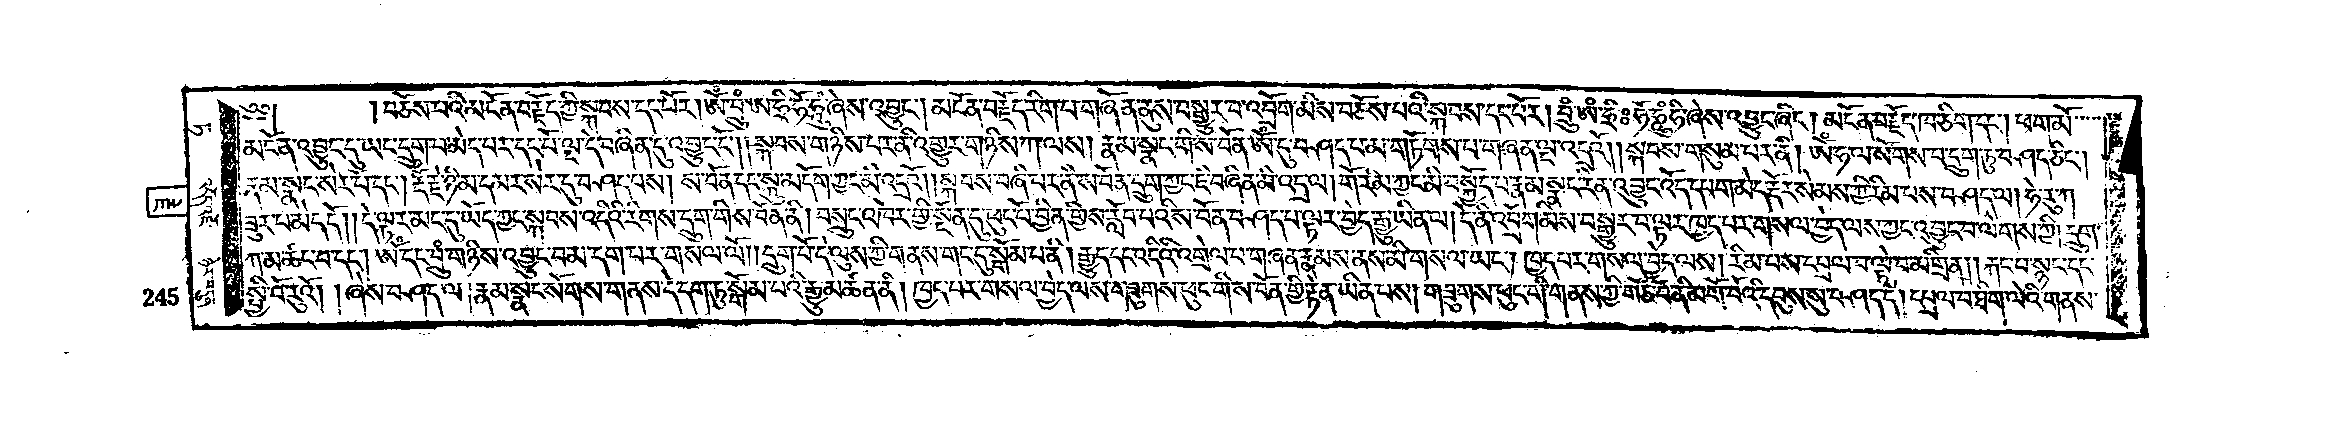༄༅། །བཅོས་པའི་མངོན་བརྗོད་ཀྱི་སྐབས་དང་པོར། ཨོཾ་བྲུཾ་ཨ་ཧྲི་ཧོ་ཧཱུཾ་ཞེས་འབྱུང་། མངོན་བརྗོད་རིག་པ་གཞོན་ནུས་བསྒྱུར་བ་འབྲོག་མིས་བཅོས་པའི་སྐབས་དང་པོར། བྲུཾ་ཨཾ་ཧྲིཿ ཧོ་ཧཱུཾ་ཧི་ཞེས་འབྱུང་ཞིང་། མངོན་བརྗོད་ཁ་ཅིག་དང་། ཕག་མོ་
མངོན་འབྱུང་དུ་ཡང་དྲུག་པ་མེད་པར་དང་པོ་ལྔ་དེ་བཞིན་དུ་འབྱུང་ངོ། །སྐབས་གཉིས་པར་ནི་འགྱུར་གཉིས་ཀ་ལས། རྣམ་སྣང་གི་ས་བོན་ཨོཾ་དུ་བཤད་པ་མ་གཏོགས་པ་གཞན་ལྔ་འདྲའོ། །སྐབས་གསུམ་པར་ནི། ཨོཾ་ཧ་ལ་སོགས་པ་དྲུག་ཏུ་བཤད་ཅིང་།
རྣམ་སྣང་སེར་པོ་དང་། རྡོ་རྗེ་ཉི་མ་དམར་སེར་དུ་བཤད་པས། ས་བོན་དང་སྐུ་མདོག་ཀྱང་མི་འདྲའོ། །སྐབས་བཞི་པར་ནི་ས་བོན་དྲུག་ཀྱང་ཇི་བཞིན་མི་འདྲ་ལ། གོ་རིམ་ཀྱང་མི་བསྐྱོད་པ་རྣམ་སྣང་རིན་འབྱུང་འོད་དཔག་མེད་རྡོར་སེམས་ཀྱི་རིམ་པས་བཤད་ལ། ཧེ་རུ་ཀ་
ཟུར་པ་མེད་དོ། །དེ་ལྟར་མང་དུ་ཡོད་ཀྱང་སྐབས་འདིའི་རིགས་དྲུག་གི་ས་བོན་ནི། བསྲུང་འཁོར་གྱི་སྔོན་དུ་ཕུང་པོ་བྱིན་གྱིས་རློབ་པའི་ས་བོན་བཤད་པ་ལྟར་བྱེད་རྒྱུ་ཡིན་ལ། དེ་ནི་འབྲོག་མིས་བསྒྱུར་བ་ལྟར་ཁྱད་པར་གསལ་བྱེད་ལས་ཀྱང་འབྱུང་བ་ལེགས་ཀྱི། དྲུག་
ཀ་མ་ཚང་བ་དང་། ཨོཾ་དང་བྲུཾ་གཉིས་འབྱུང་བ་མ་དག་པར་གསལ་ལོ། །དྲུག་པོ་དེ་ལུས་ཀྱི་གནས་གང་དུ་སྒོམ་པ་ནི། རྒྱུད་དང་འདིའི་འགྲེལ་པ་གཞན་རྣམས་ནས་མི་གསལ་ཡང་། ཁྱད་པར་གསལ་བྱེད་ལས། རིམ་པས་དཔྲལ་བ་ལྟེ་བ་མགྲིན། །རྐང་པ་སྙིང་དང་
སྤྱི་བོ་རུའོ། །ཞེས་བཤད་ལ། རྣམ་སྣང་སོགས་གནས་དེ་དག་ཏུ་སྒོམ་པའི་རྒྱུ་མཚན་ནི། ཁྱད་པར་གསལ་བྱེད་ལས་གཟུགས་ཕུང་གི་ས་བོན་གྱི་རྟེན་ཡིན་པས། གཟུགས་ཕུང་གི་གནས་ཀྱི་གཙོ་བོ་ནི་མགོ་བོའི་དབུས་སུ་བཤད་དེ། དཔྲལ་བ་ཐིག་ལེའི་གནས་